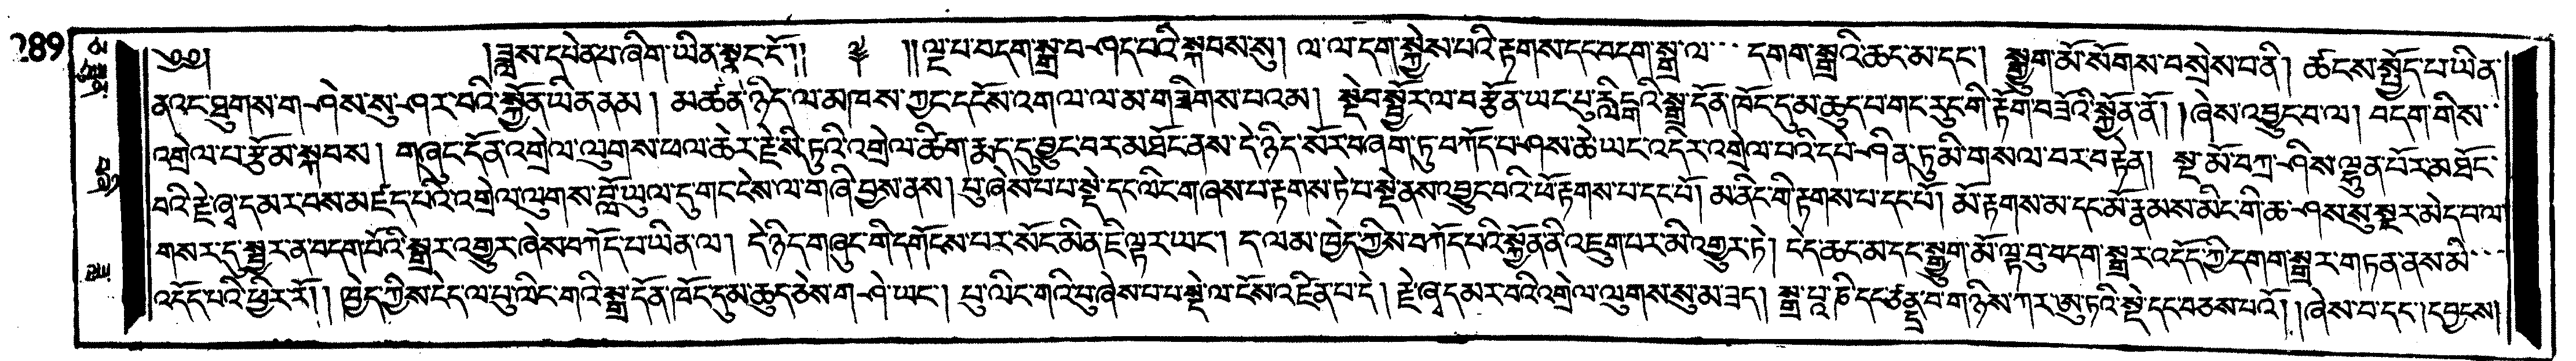༄༅། །ཟླས་དཔེན་པ་ཞིག་ཡིན་སྣང་ངོ།། འ་།།ལྔ་པ་བདག་སྒྲ་བཤད་པའི་སྐབས་སུ། ལ་ལ་དག་སྐྱེས་པའི་རྟགས་དང་བདག་སྒྲ་ལ་་་དགག་སྒྲའི་ཆང་མ་དང་། སྒྱུག་མོ་སོགས་བསྲེགས་བ་ནི། ཚངས་སྤྱོད་པ་ཡིན་
ནའང་ཐུགས་གཤེགས་སུ་ཤར་བའི་སྐྱོན་ཡིན་ནམ། མཚན་ཉིད་ལ་མཁས་ཀྱང་དངོས་འགལ་ལ་མ་གཟིགས་པའམ། སྡེབ་སྦྱོར་ལ་བརྩོན་ཡང་པུ་རླིངྒའི་སྒྲ་དོན་ཁོང་དུ་མ་ཆུད་པ་གང་རུང་གི་རྟོག་བཟོའི་སྐྱོན་ནོ། །ཞེས་འབྱུང་བ་ལ། བདག་གིས་
འགྲེལ་པ་རྩོམ་སྐབས། གཞུང་དོན་འགྲེལ་ལུགས་ཕལ་ཆེར་རྗེ་སུ་ཏུའི་འགྲེལ་ཚིག་རྨད་དུ་བྱུང་བར་མཐོང་ནས་དེ་ཉིད་སོར་བཞག་ཏུ་བཀོད་པ་ཤས་ཆེ་ཡང་འདིར་འགྲེལ་པའི་དཔེ་ཤིན་ཏུ་མི་གསལ་བར་བརྟེན། སྔ་མོ་བཀྲ་ཤིས་ལྷུན་པོར་མཐོང་
བའི་རྗེ་ཞྭ་དམར་བས་མཛད་པའི་འགྲེལ་ལུགས་བློ་ཡུལ་དུ་གང་ངེས་ལ་གཞི་བྱས་ནས། པུ་ཞེས་པ་པ་སྡེ་དང་ལིང་ག་ཞས་པ་རྟགས་ཏེ་པ་སྡེ་ནས་འབྱུང་བའི་ཕོ་རྟགས་པ་དང་པོ། མ་ནིང་གི་རྟགས་པ་དང་པོ། མོ་རྟགས་མ་དང་མོ་རྣམས་མིང་གི་ཆ་ཤས་སུ་སྔར་མེད་པ་ལ་
གསར་དུ་སྦྱར་ན་བདག་བོའི་སྒྲར་འགྱུར་ཞེས་བཀོད་པ་ཡིན་ལ། དེ་ཉིད་གཞུང་གི་དགོངས་པར་སོང་མིན་ཇི་ལྟར་ཡང་། ད་ལམ་ཁྱེད་ཀྱིས་བཀོད་པའི་སྐྱོན་ནི་འཇུག་པར་མི་འགྱུར་ཏེ། ངེད་ཆང་མ་དང་སྒྱུག་མོ་ལྟ་བུ་བདག་སྒྲར་འདོད་ཀྱི་དགག་སྒྲར་གཏན་ནས་མི་
འདོད་པའི་ཕྱིར་རོ། །ཁྱེད་ཀྱིས་ངེད་ལ་པུ་ལིང་གའི་སྒྲ་དོན་ཁོང་དུ་མ་ཆུད་ཅེས་གཤེ་ཡང་། པུ་ལིང་གའི་པུ་ཞེས་པ་པ་སྡེ་ལ་ངོས་འཛིན་པ་དེ། རྗེ་ཞྭ་དམར་བའི་འགྲེལ་ལུགས་སུ་མ་ཟད། སྒྲ་པཱ་ཎི་དང་ཙནྡྲ་བ་གཉིས་ཀར་ཨུ་ཏའི་སྡེ་དང་བཅས་པའོ། །ཞེས་བ་དང་། དབྱངས།